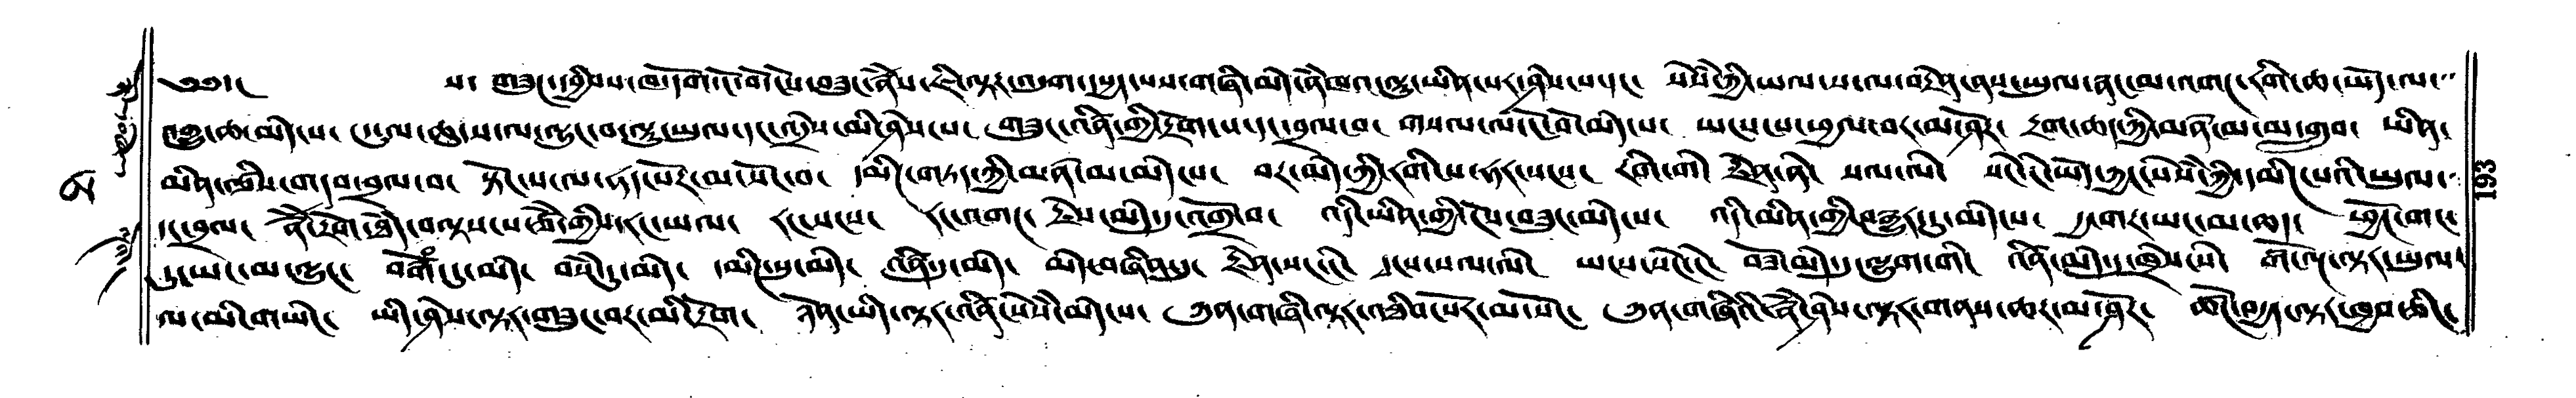ས། གཟུགས་དབྱིབས་ཁ་དོག་ངོ་བོ་ངོས་བཟུང་རྣམས་ཇི་ལྟར་འདུག་དཔྱད་པས་གཞི་མེད་ནམ་མཁའ་ལྟ་བུ་ཡིན་པར་ཤེས་པ་དང་། སེམས་ཀྱི་ཡལ་ས་ལ་བརྟེན་ནས་ཡུལ་སྣང་མ་འགགས་རིག་ཆ་ཡོད་ལ་
འགྱུ་ཆ་མེད་པ། དངུལ་ཆུ་ས་ལ་ལྷུང་བ་ལྟ་བུ་ཡུལ་དང་འདྲེས་མི་ཤེས་པ། གཟུང་འཛིན་གྱི་རྟོག་པ་དང་བྲལ་བ། གསལ་ལ་ངོ་བོ་མེད་པ། ཡངས་པ་ཕྱལ་བར་མ་ཤོར། རྟག་ཆད་ཀྱི་མཚན་མ་མ་གྲུབ། ཡིན་
མིན་རྩིས་གདབ་བྲལ་བ། སྟོང་པ་ལ་ཧད་པོར་མ་སོང་བ། དམིགས་གཏད་ཀྱི་མཚན་མར་མེད་པ། བར་མེད་ཀྱི་རིག་པ་ཧར་སངས། རིག་གེརྗེན་ནེ། སལ་ལེ། སེང་ངེ་ཡོད་ཀྱང་སེམས་ཀྱི་དམིགས་པའི་ཡུལ་
དང་བྲལ་བ། རྣམ་རྟོག་ཐམས་ཅད་བལྟས་པ་ཙམ་གྱི་རང་ཡལ། རང་སངས། རང་འགགས། རྗེས་མེད་དུ་འགྲོ་བ། འདི་ཡིན་གྱི་ངོས་བཟུང་མེད་པ། འདི་མིན་གྱི་སྒྱུར་དུ་མེད་པ། རྒྱ་གར་ཡང་མ་ཆད། ཕྱོགས་གང་
དུ་ཡང་མ་ལྷུང་། སྒོམ་དུ་མེད། བསམ་དུ་མེད། དམིགས་སུ་མེད། འཛིན་དུ་མེད། མེད་བཞིན་དུ་རྗེན་སང་ངེ། དྭངས་སལ་ལེ། ཡངས་སེང་ངེ། བཟོ་མེད་དུ་ལྷུག་གེ འཛིན་མེད་དུ་ཁྲིགས་སེ། སྒོ་ལྔ་ལྟར་ཡུལ་
ལ་མི་གཡེང་། ཡིད་ཤེས་ལྟར་གཟུང་བར་མི་རྟོག ཉོན་ཡིད་ལྟར་འཛིན་སེམས་མེད་པ། ཀུན་གཞི་ལྟར་འཐིབ་པོར་མ་སོང་། ཀུན་གཞིའི་རྣམ་ཤེས་ལྟར་གནས་ཆར་མ་ཤོར། ཚོགས་བརྒྱད་ལྟར་ཁྱབ་ཅིང་།